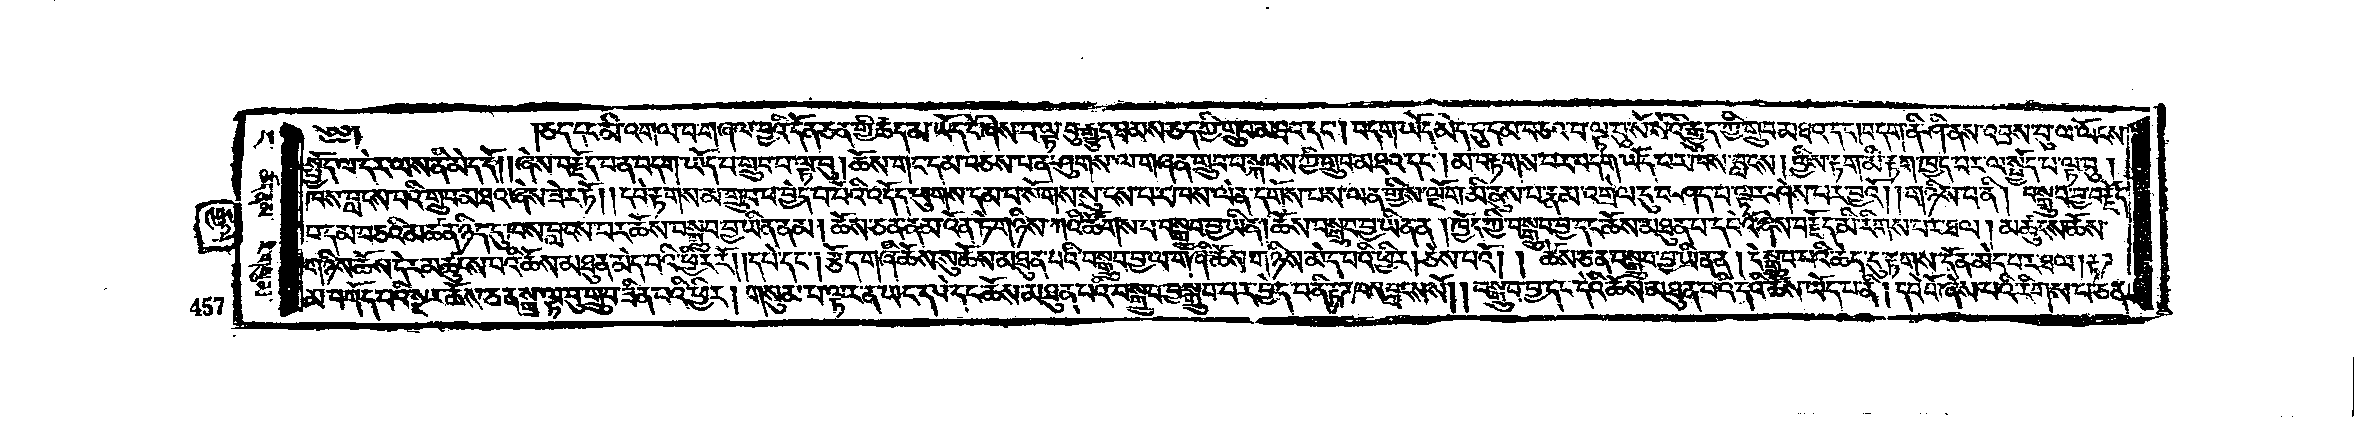༄༅། །ཅད་དང་མི་འགལ་བ་གཞལ་བྱའི་དོན་ཅན་གྱི་ཚད་མ་ཡོད་དོ་ཞེས་པ་ལྟ་བུ་རྒྱུད་ཐམས་ཅད་ཀྱི་གྲུབ་མཐའ་དང་། བདག་ཡོད་མེད་དུ་དམ་བཅའ་བ་ལྟ་བུ་སོ་སོའི་རྒྱུད་ཀྱི་གྲུབ་མཐའ་དང་། བདག་ནི་ཤི་ནས་འབྲས་བུ་ལ་ལོངས་
སྤྱོད་ལ་དེར་ལས་ནི་མེད་དོ། །ཞེས་བརྗོད་པ་ན་བདག་ཡོད་པ་གྲུབ་པ་ལྟ་བུ། ཆོས་གང་དམ་བཅས་པ་ན་ཤུགས་ལ་གཞན་གྲུབ་པ་སྐབས་ཀྱི་གྲུབ་མཐའ་དང་། མ་བརྟགས་པར་བདག་ཡོད་པར་ཁས་བླངས། གྱིས་རྟག་མི་རྟག་ཁྱད་པར་ལ་སྤྱོད་པ་ལྟ་བུ། །
ཁས་བླངས་པའི་གྲུབ་མཐའ་ཞེས་ཟེར་ཏོ། །དཔེ་རྟགས་མ་གྲུབ་པ་བྱེད་པ་པོའི་འདོད་ཕུགས་དམ་པ་སོགས་སུ་ངས་པར་ཁས་ལེན་དགོས་པས་ལན་གྱིས་ལྡོག་མི་ནུས་པ་རྣམ་འགྲེལ་དུ་བཤད་པ་ལྟར་ཤེས་པར་བྱའོ། །གཉིས་པ་ནི། བསྒྲུབ་བྱ་བརྗོད་
བ་དམ་བཅའི་མཚན་ཉིད་དུ་ཁས་བླངས་པར་ཆོས་བསྒྲུབ་བྱ་ཡིན་ནམ། ཆོས་ཅན་ནམ་འོན་ཏེ་གཉིས་ཀའི་ཚོགས་པ་བསྒྲུབ་བྱ་ཡིན། ཆོ་བསྒྲུབ་བྱ་ཡིན་ན། ཁྱད་ཀྱི་བསྒྲུབ་བྱ་དང་ཆོས་མཐུན་པ་དཔེའོ་ཞེས་བརྗོད་མི་རིགས་པར་ཐལ། མཚུངས་ཆོས་
གཉིས་ཆོས་དེར་མཚུངས་པའི་ཆོས་མཐུན་མེད་པའི་ཕྱིར་རོ། །དཔེ་དང་། རྩོད་གཞི་སུ་ཆོས་མཐུན་པའི་བསྒྲུབ་བྱ་ལ་གཞི་ཆོས་གཉིས་མེད་པའི་ཕྱིར། ཅེས་པའོ། །ཆོས་ཅན་བསྒྲུབ་བྱ་ཡིན་ན། དེ་སྒྲུབ་པའི་ཆེད་དུ་རྟགས་དོན་མེད་པར་ཐལ། རྟགས་
མ་བཀོད་པའི་སྔར་ཆོས་ཅན་སྒྲ་ལྟ་བུ་གྲུབ་ཟིན་པའི་ཕྱིར། གསུམ་པ་ལྟར་ན་ཡང་དཔེ་དང་ཆོས་མཐུན་པའི་བསྒྲུབ་བྱ་སྒྲུབ་པར་བྱེད་པ་ནི་རྟགས་ཁན་བླངས་སོ། །བསྒྲུབ་བྱ་དང་དེའི་ཆོས་མཐུན་པའི་དེའི་ཆོས་ཡོད་པ་ནི། དཔེ་བོ་ཞེས་པའི་རིགས་པ་ཅན་